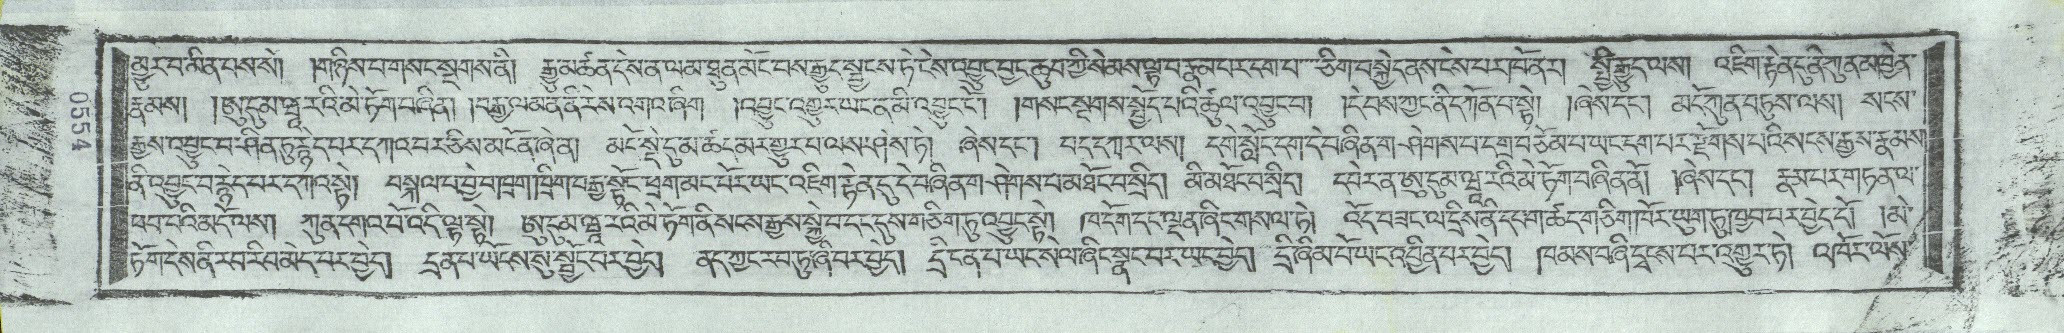མྱུར་བ་མིན་པས་སོ། །གཉིས་པ་གསང་སྔགས་ནི། རྒྱུ་མཚན་དེས་ན་ལམ་ཐུན་མོང་བས་རྒྱུད་སྦྱངས་ཏེ་ངེས་འབྱུང་བྱང་ཆུབ་ཀྱི་སེམས་ལྟ་བ་རྣམ་པར་དག་པ་ཅིག་བསྐྱེད་ནས་ངེས་པར་ཁོ་ནར། སྤྱི་རྒྱུད་ལས། འཇིག་རྟེན་དུ་ནི་ཀུན་མཁྱེན་
རྣམས། །ཨུ་དུམ་ཝཱ་རའི་མེ་ཏོག་བཞིན། །བརྒྱ་ལམ་ན་ནི་རེས་འགའ་ཞིག །འབྱུང་འགྱུར་ཡང་ན་མི་འབྱུང་ངོ། །གསང་སྔགས་སྤྱོད་པའི་ཚུལ་འབྱུང་བ། །དེ་བས་ཀྱང་ནི་དཀོན་པ་སྟེ། །ཞེས་དང་། མདོ་ཀུན་བཏུས་ལས། སངས་
རྒྱས་འབྱུང་བ་ཤིན་ཏུ་རྙེད་པར་དཀའ་བར་ཅིས་མངོན་ཞེ་ན། མདོ་སྡེ་དུ་མ་ཚད་མར་གྱུར་བ་ལས་ཤེས་ཏེ། ཞེས་དང་། པད་དཀར་ལས། དགེ་སློང་དག་དེ་བཞིན་གཤེགས་པ་དགྲ་བཅོམ་པ་ཡང་དག་པར་རྫོགས་པའི་སངས་རྒྱས་རྣམས་
ནི་འབྱུང་བ་རྙེད་པར་དཀའ་སྟེ། བསྐལ་པ་བྱེ་བ་ཁྲག་ཁྲིག་བརྒྱ་སྟོང་ཕྲག་མང་པོར་ཡང་འཇིག་རྟེན་དུ་དེ་བཞིན་གཤེགས་པ་མཐོང་བ་སྲིད། མི་མཐོང་བ་སྲིད། དཔེར་ན་ཨུ་དུམ་ཝཱ་རའི་མེ་ཏོག་བཞིན་ནོ། །ཞེས་དང་། རྣམ་པར་གཏན་ལ་
ཕབ་པའི་མདོ་ལས། ཀུན་དགའ་བོ་འདི་ལྟ་སྟེ། ཨུ་དུམ་ཝཱ་རའི་མེ་ཏོག་ནི་སངས་རྒྱས་སྐྱེ་བ་དང་དུས་གཅིག་ཏུ་འབྱུང་སྟེ། ཁ་དོག་དང་ལྡན་ཞིང་གསལ་ཏེ། འོད་བཟང་ལ་དྲིས་ནི་དཔག་ཚད་གཅིག་ཁོར་ཡུག་ཏུ་ཁྱབ་པར་བྱེད་དོ། །མེ་
ཏོག་དེས་ནི་རབ་རིབ་མེད་པར་བྱེད། དྲན་པ་ཡོངས་སུ་སྦྱོང་བར་བྱེད། ནད་ཀྱང་རབ་ཏུ་ཞི་བར་བྱེད། དྲི་ངན་པ་ཡང་སེལ་ཞིང་སྣང་བར་ཡང་བྱེད། དྲི་ཞིམ་པོ་ཡང་འབྱིན་པར་བྱེད། ཁམས་བཞི་དྭངས་པར་འགྱུར་ཏེ། འཁོར་ལོས་